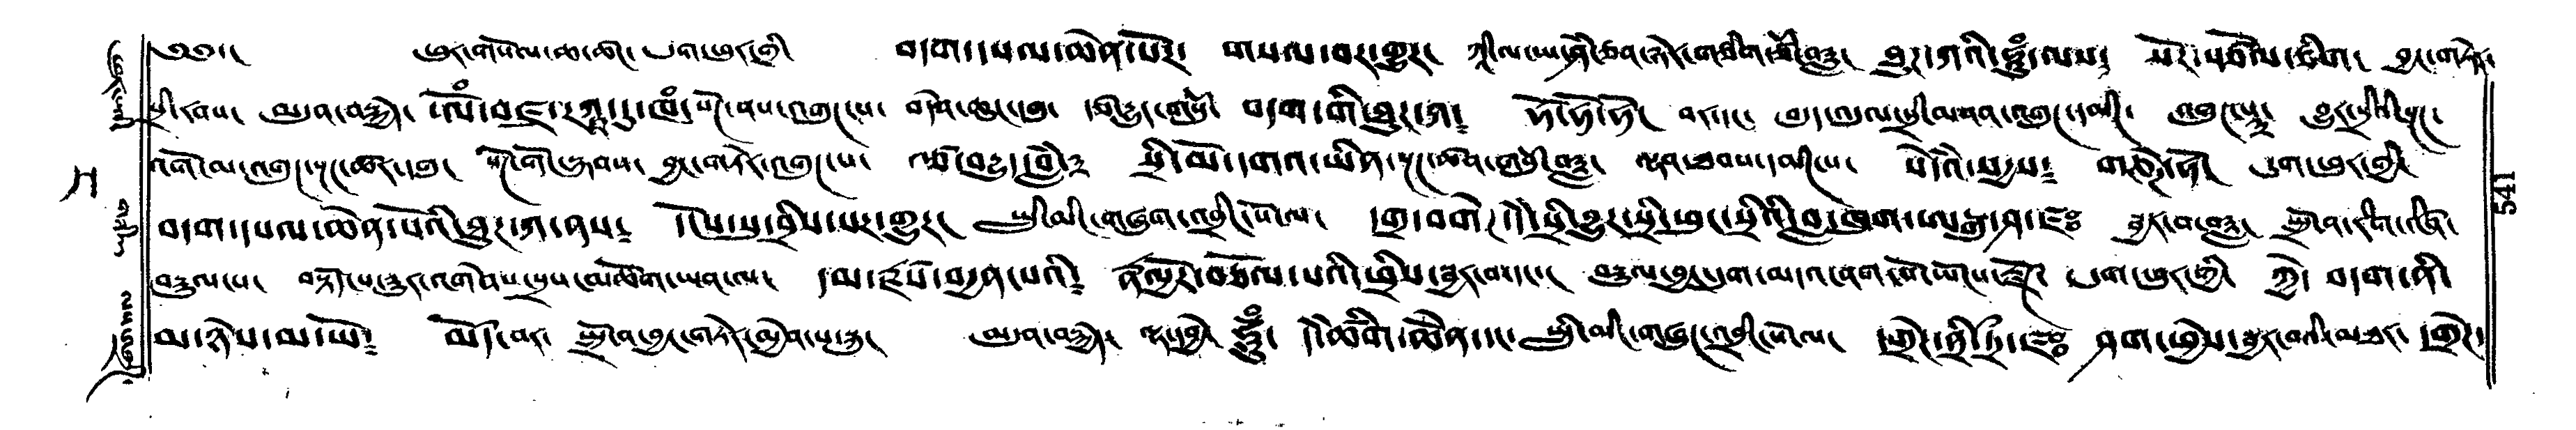ཕུར་གསོལ་ཆ་ཚང་། དུག་ཕུར་གྱི། བདག་དཔལ་ཆེན་པོར་གསལ་བར་གྱུར། ཀཱི་ལ་ཡ་གཤམ་ཅན་ཉེར་གཅིག་ཙམ་བཟླ། ཐུགས་ཀའི་ཧཱུྃ་ལས༴ སོར་སྩོལ་ཅིག བྱང་གཏེར་
སྲི་རབས། མདུན་བསྐྱེད། ཨོཾ་བཛྲ་རཀཱ་དུ་ཁཾ༴ སོགས་ནས་འགུགས་པ། བདེན་ཆུང་དགུ། རྩ་རྒྱུད་གསུམ། བདག་གི་ཐུགས་ཀ༴ ཧོ་ཧོ་ཧོ། བར་དང་། བདུད་འདུལ་སྲི་མནན་འགུགས་དམིགས། འགུགས་པ་གསུམ། བྱུར་སྲིའི་སྔགས་
འགོ་མས་འགུགས་སྔགས་ཚར་དགུ་སོགས་དགོས་སྐབས། བྱང་གཏེར་འགུགས་པ ། རྩ་བརྒྱུད་བླ་མ༴ གསུམ།སྲི་མོ་དགའ་ཡིན་སྔགས་ཚན་གསུམ་བཟླ། ལྷན་ཐབས་དམིགས་པ། སེམས་དཔའ་སངས་རྒྱས༴ གཎྜེ་ཧོ། དུག་ཕུར་གྱི། 
བདག་དཔལ་ཆེན་པོའི་ཐུགས་ཀ་ནས༴ དངོས་སུ་བྲིས་པར་གྱུར། སྤུ་གྲི་གཞུག་འབྲིང་པོ་ལ། དགྲ་བགེགས་དམ་སྲི་བྱུར་སྲི་ཕུང་སྲིའི་བླ་ཁུག་ཨངྒུ་ཤ་ཛཿ སྦྱར་བ་བཟླ། སྤྲོ་ན་རིག་འཛིན་
བསྐུལ་པ། བསྟོད་པ་ཟུར་འགེབས་སྲས་མཆོག་ཡན་ལ། དམ་རྫས་བརྒྱན་པའི༴ རྣལ་འབྱོར་བཅོལ་པའི་ཕྲིན་ལས༴ སྦྱར་བ་དང་། བསྐུལ་བྱང་དུག་མདའ་ནག་པོ་ཡོངས་རྫོགས། དུག་ཕུར་གྱི། ཀྱེ། བདག་ནི་
མ་ཉེས་མ་ཡོ༴ མཛོད། བར། སྤྲོ་ན་བྱང་གཏེར་མཁྱེན་པ་སྐུ། མདུན་བསྐྱེད། ལྷ་དབྱེ། ཧཱུྃ༔ དམ་ཚིག་ཆེན་པོ༴ དང་། སྤུ་གྲིའི་མིང་གཞུང་འབྲིང་པོ་ལ། དགྲ་བགེགས་ནྲི་ཏྲྀ་ཛཿ ཤག་ཕྱེས་སྦྱར་བའི་མཐར ། དགྲ་བགེགས་